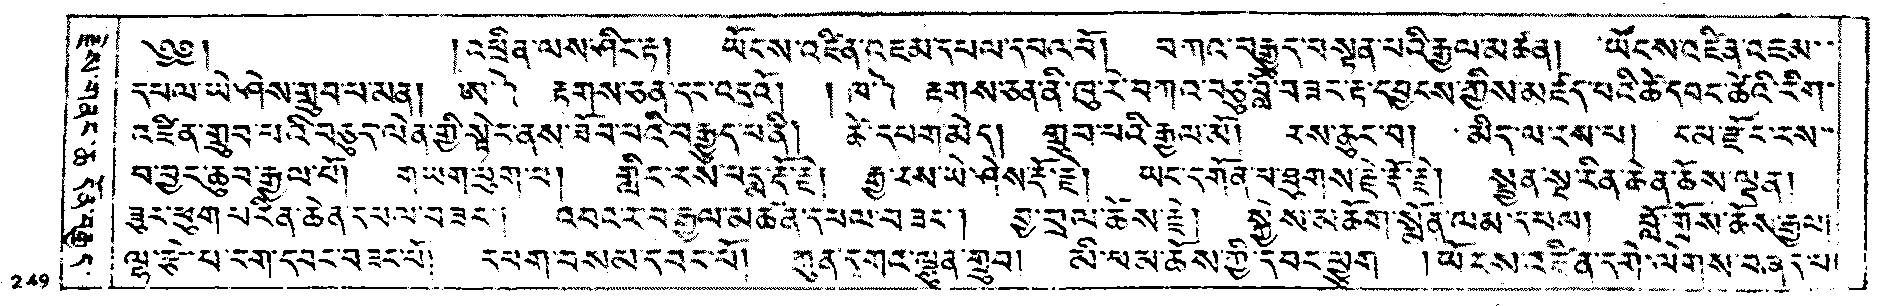༄༅། །འཕྲིན་ལས་ཤིང་རྟ། ཡོངས་འཛིན་འཇམ་དཔལ་དཔའ་བོ། བཀའ་བརྒྱུད་བསྟན་པའི་རྒྱལ་མཚན། ཡོངས་འཛིན་འཇམ་
དཔལ་ཡེ་ཤེས་གྲུབ་པ་མན། ཨ྄་རྟགས་ཅན་དང་འདྲའོ། །ཁ྄་རྟགས་ཅན་ནི་ཁུ་རེ་བཀའ་བཅུ་བློ་བཟང་རྟ་དབྱངས་ཀྱིས་མཛད་པའི་ཚེ་དབང་ཚེའི་རིག་
འཛིན་གྲུབ་པའི་བཅུད་ལེན་གྱི་སྟེང་ནས་ཐོབ་པའི་བརྒྱུད་པ་ནི། ཚེ་དཔག་མེད། གྲུབ་པའི་རྒྱལ་མོ། རས་ཆུང་བ། མིད་ལ་རས་པ། ངམ་རྫོང་རས་
པ་བྱང་ཆུབ་རྒྱལ་པོ། གཡག་ཕུག་པ། གླིང་རས་པདམ་རྡོ་རྗེ། རྒྱ་རས་ཡེ་ཤེས་རྡོ་རྗེ། ཡང་དགོན་པ་ཐུགས་རྗེ་རྡོ་རྗེ། སྤྱན་སྔ་རིན་ཆེན་ཆོས་ལྡན།
ཟུར་ཕུག་པ་རིན་ཆེན་དཔལ་བཟང་། འབའ་ར་བ་རྒྱལ་མཚན་དཔལ་བཟང་། བྱ་བྲལ་ཆོས་རྗེ། སྐྱེས་མཆོག་སྨོན་ལམ་དཔལ། བློ་གྲོས་ཆོས་རྒྱལ།
ལྷ་རྩེ་བ་ངག་དབང་བཟང་པོ། དཔག་བསམ་དབང་པོ། ཀུན་དགའ་ལྷུན་གྲུབ། མི་ཕམ་ཆོས་ཀྱི་དབང་ཕྱུག །ཡོངས་འཛིན་དགེ་ལེགས་བཞད་པ་